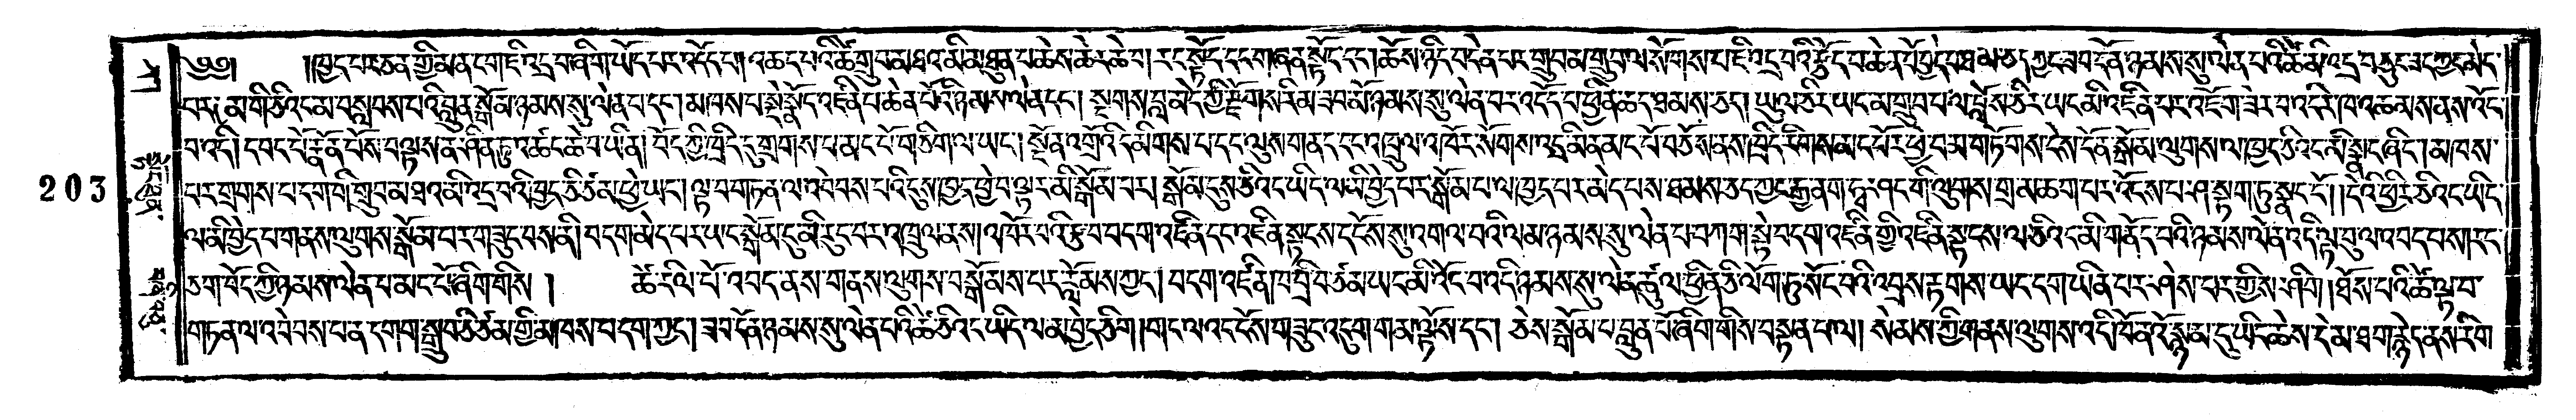༄༅། །ཁྱད་པར་ཅན་གྱི་མན་ངག་ཇི་འདྲ་བ་ཞིག་ཡོད་པར་འདོད་པ། འཆད་པའི་ཚེ་གྲུབ་མཐའ་མི་མཐུན་པ་ཆེས་ཆེར་ཆེག་རང་སྟོང་དང་གཞན་སྟོང་དང་། ཆོས་ཉིད་བདེན་པར་གྲུབ་མ་གྲུབ་ལ་སོགས་པ་ཇི་འདྲ་བའི་རྩོད་པ་ཆེན་པོ་བྱེད་པ་ཐམས་ཅད་ཀྱང་ཟབ་དོན་ཉམས་སུ་ལེན་པའི་ཚེ་མི་འདྲ་བ་ཅུང་ཟད་ཀྱང་མེད་
བར༑ མ་གི་ཅིའང་མ་བསླབས་བའི་བླུན་སྒོམ་ཉམས་སུ་ལེན་པ་དང་། མཁས་པ་སྡེ་སྣོད་འཛིན་པ་ཆེན་པོའི་ཉམས་ལེན་དང་། སྔགས་བླ་མེད་ཀྱི་རྫོགས་རིམ་ཟབ་མོ་ཉམས་སུ་ལེན་བར་འདོད་པ་ཕྱིན་ཆད་ཐམས་ཅད། ཡུལ་ཅིར་ཡང་མ་གྲུབ་པ་ལ་བློས་ཅིར་ཡང་མི་འཛིན་པར་འཇོག་ཟེར་བ་འདིར་ཁ་འཆམས་ནས་འོང་
བ་འདི། དབང་པོ་རྣོན་པོས་བལྟས་ན་ཤིན་ཏུ་འཚང་ཆེ་བ་ཡིན། བོད་ཀྱི་ཁྲིད་དུ་གྲགས་པ་མང་པོ་གཅིག་ལ་ཡང་། སྔོན་འགྲོའི་དམིགས་པ་དང་ལུས་གནང་དང་འཁྲུལ་འཁོར་སོགས་འདྲ་མིན་མང་པོ་བཅོས་ནས་ཁྲིད་རིགས་མང་པོར་ཕྱེ་བ་མ་གཏོགས་ངེས་དོན་སྒོམ་ལུགས་ལ་ཁྱད་ཅིའང་མི་སྣང་ཞིང་། མཁས་
པར་གྲགས་པ་དག་གི་གྲུབ་མཐའ་མི་འདྲ་བའི་ཁྱད་ཅི་ཙམ་ཕྱེ་ཡང་། ལྟ་བ་གཏན་ལ་འབེབས་པའི་དུས་ཁྱད་ཕྱེ་བ་ལྟར་མི་སྒོམ་པར། སྒོམ་དུས་ཅིའང་ཡིད་ལ་མི་བྱེད་པར་སྒོམ་པ་ལ་ཁྱད་པར་མེད་པས་ཐམས་ཅད་ཀྱང་རྒྱ་ནག་ཧྲ་ཤང་གི་ལུགས་གྲ་མཆག་པར་འོངས་པ་ཤ་སྟག་ཏུ་སྣང་ངོ། །དེའི་ཕྱིར་ཅིའང་ཡིད་
ལ་མི་བྱེད་པ་གནས་ལུགས་སྒོམ་པར་གཟུང་བས་ནི། བདག་མེད་པར་ཡང་སྒོམ་དུ་མི་རུང་བར་འཁྲུལ་ནས། འཁོར་བའི་རྩ་བ་བདག་འཛིན་དང་འཛིན་སྟངས་དངོས་སུ་འགལ་བའི་ལམ་ཉམས་སུ་ལེན་པ་བཀག་སྟེ་བདག་འཛིན་གྱི་འཛིན་སྟངས་ལ་ཅིའང་མི་གནོད་བའི་ཉམས་ལེན་འདི་ལྟ་བུ་ལ་འབད་བས། རང་
ཅག་བོད་ཀྱི་ཉམས་ལེན་པ་མང་པོ་ཞིག་གིས། ཚེ་རིལ་པོ་འབད་ནས་གནས་ལུགས་བསྒོམས་པར་རློམས་ཀྱང་། བདག་འཛིན་ཁོ་བྲི་བཙམ་ཡང་མི་འོང་བ་འདི་ཉམས་སུ་ལེན་ཚུལ་ཕྱིན་ཅི་ལོག་ཏུ་སོང་བའི་འབྲས་རྟགས་ཡང་དག་ཡིན་པར་ཤེས་པར་གྱིས་ཤིག །ཐོས་པའི་ཚེ་ལྟ་བ་
གཏན་ལ་འབེབས་པ་ན་དགག་སྒྲུབ་ཅི་ཙམ་གྱི་མཁས་བདག་ཀྱང་། ཟབ་དོན་ཉམས་སུ་ལེན་པའི་ཚེ་ཅིའང་ཡིད་ལམ་བྱེད་ཅིག །གང་ལའང་ངོས་གཟུང་འདུག་གམ་ལྟོས་དང་། ཅེས་སྒོམ་པ་བླུན་པོ་ཞིག་གིས་བསྟན་པ་ལ། སེམས་ཀྱི་གནས་ལུགས་འདི་ཁོ་ནའོ་སྙམ་དུ་ཡིད་ཆེས་དེ་མ་ཐག་རྙེད་ནས་རིག་